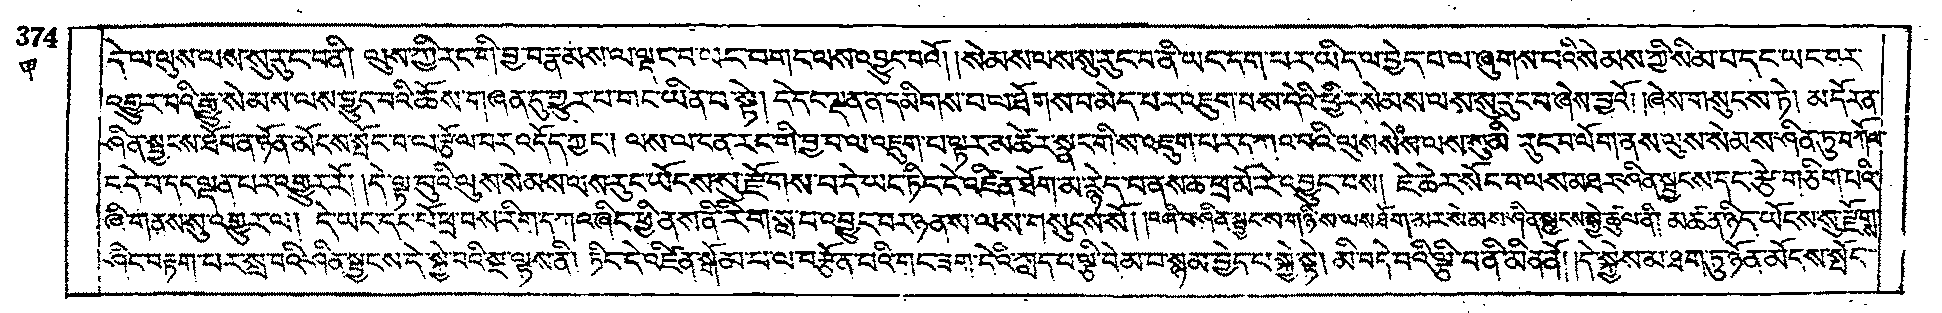དེ་ལ་ལུས་ལས་སུ་རུང་བ་ནི། ལུས་ཀྱི་རང་གི་བྱ་བ་རྣམས་ལ་ལྡང་བ་ཡང་བ་གནག་ལས་འབྱུང་བའོ། །སེམས་ལས་སུ་རུང་བ་ནི་ཡང་དག་པར་ཡིད་ལ་བྱེད་པ་ལ་ཞུགས་པའི་སེམས་ཀྱི་སིམ་པ་དང་ཡང་བར་
འགྱུར་བའི་རྒྱུ་སེམས་ལས་བྱུང་བའི་ཆོས་གཞན་དུ་གྱུར་པ་གང་ཡིན་པ་སྟེ། དེ་དང་ལྡན་ན་དམིགས་པ་ལ་ཐོགས་པ་མེད་པར་འཇུག་པས་དེའི་ཕྱིར་སེམས་ལས་སུ་རུང་བ་ཞེས་བྱའོ། །ཞེས་གསུངས་ཏེ། མདོར་ན་
ཤིན་སྦྱངས་ཐོབ་ན་ཉོན་མོངས་སྤོང་བ་ལ་རྩོལ་བར་འདོད་ཀྱང་། ལས་ལ་ངན་རང་གི་བྱ་བ་ལ་འཇུག་པ་ལྟར་མཚེར་སྣང་གིས་འཇུག་པར་དཀའ་བའི་ལུས་སེཾས་ལས་སུ་མི་རུང་བ་ལོག་ནས་ལུས་སེམས་ཤིན་ཏུ་བཀོལ་
བདེ་བ་དང་ལྡན་པར་འགྱུར་རོ། །དེ་ལྟ་བུའི་ལུས་སེམས་ལས་རུང་ཡོངས་སུ་རྫོགས་པ་དེ་ཡང་ཏིང་ངེ་འཛིན་ཐོག་མ་རྙེད་པ་ནས་ཆ་ཕྲ་མོ་རེ་འབྱུང་བས། ཇེ་ཆེར་སོང་བ་ལས་མཐར་ཤིན་སྦྱངས་དང་རྩེ་གཅིག་པའི་
ཞི་གནས་སུ་འགྱུར་ལ། དེ་ཡང་དང་པོ་ཕྲ་བས་རིག་དཀའ་ཤིང་ཕྱི་ནས་ནི་རིག་སླ་བ་འབྱུང་བར་ཉན་ས་ལས་གསུངས་སོ། །བཞི་པ་ཤིན་སྦྱངས་གཉིས་ལས་ཐོག་མར་སེམས་ཤིན་སྦྱངས་སྐྱེ་ཚུལ་ནི།  མཚན་ཉིད་ཡོངས་སུ་རྫོགས་
ཤིང་བརྟག་པར་སླ་བའི་ཤིན་སྦྱངས་དེ་སྐྱེ་བའི་ལྔ་ལྟས་ནི། ཏིང་ངེ་འཛིན་སྒོམ་པ་ལ་བརྩོན་པའི་གང་ཟག་དེའི་ཀླད་པ་ལྕི་བེམ་པ་སྙམ་བྱེད་པ་སྐྱེ་སྟེ། མི་བདེ་བའི་ལྕི་བ་ནི་མིན་ནོ། །དེ་སྐྱེས་མ་ཐག་ཏུ་ཉོན་མོངས་སྤོང་